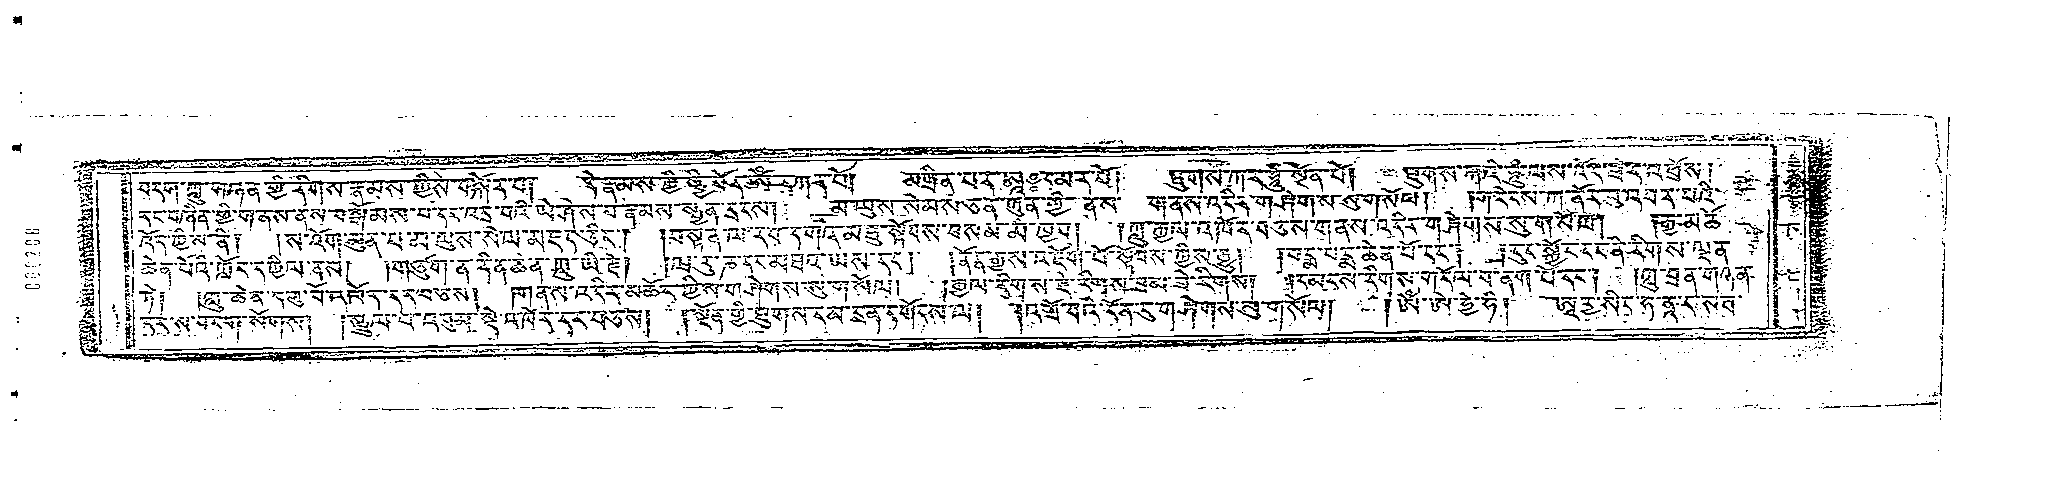བདག་ཀླུ་གཉན་གྱི་རིགས་རྣམས་ཀྱིས་བསྐོར་བ། །དེ་རྣམས་ཀྱི་སྤྱི་བོར་ཨོཾ་དཀར་པོ། །མགྲིན་པར་ཨཱཿ དམར་པོ། །ཐུགས་ཀར་ཧཱུཾ་སྔོན་པོ། ཐུགས་ཀའི་ཧཱུཾ་ལས་འོད་ཟེར་འཕྲོས། །
རང་བཞིན་གྱི་གནས་ནས་བསྒོམས་པ་དང་འདྲ་བའི་ཡེ་ཤེས་པ་རྣམས་སྤྱན་དྲངས། མ་ལུས་སེམས་ཅན་ཀུན་གྱི་ནས་གནས་འདིར་གཤེགས་སུ་གསོལ། །གདེངས་ཀ་ནོར་བུ་འབར་བའི་
འོད་ཀྱིས་ནི། །ས་འོག་མུན་པ་མ་ལུས་སེལ་མཛད་ཅིང་། །བསྟོན་ལ་རབ་དགའ་མཐུ་སྟོབས་བསམ་མི་ཁྱབ། །ཀླུ་རྒྱལ་འཁོར་བཅས་གནས་འདིར་གཤགས་སུ་གསོལ། །རྒྱ་མཚོ་
ཆེན་པོའི་ཀློང་དཀྱིལ་ནས། །གཙུག་ན་རིན་ཆེན་ཀླུ་ཡི་རྗེ། །ཝ་རུ་ཎ་དང་མཐའ་ཡས་དང་། །ནོར་རྒྱས་འཇོག་པོ་སྟོབས་ཀྱིས་རྒྱུ། །པདམ་པདམ་ཆེན་པོ་དང་། །དུང་སྐྱོང་དང་ནི་རིགས་ལྡན་
ཏེ༑ ༑ཀླུ་ཆེན་དགུ་པོ་འཁོར་དང་བཅས། །གནས་འདིར་མཆོད་ཀྱིས་གཤེགས་སུ་གསོལ། །རྒྱལ་རིགས་རྗེ་རིགས་བྲམ་ཟེ་རིགས། །དམངས་རིགས་གདོལ་པ་ནག་པོ་དང་། །ཀླུ་བྱམ་ཉན་
དང་ས་བདག་སོགས། །སྦུལ་པ་འབུམ་སྡེ་འཁྲོ་དང་བཅས། །སྔོན་གྱི་ཐུགས་དམ་དྲན་དང་དགོངས། །འགྲོ་བའི་དོན་དུ་གཤེགས་སུ་གསོལ། །ཨོཾ་ཨེ་ཧྱེ་ཧི། །ཨཱརྱ་ས་དེ་ཧ་ནཱ་ད་སབ་